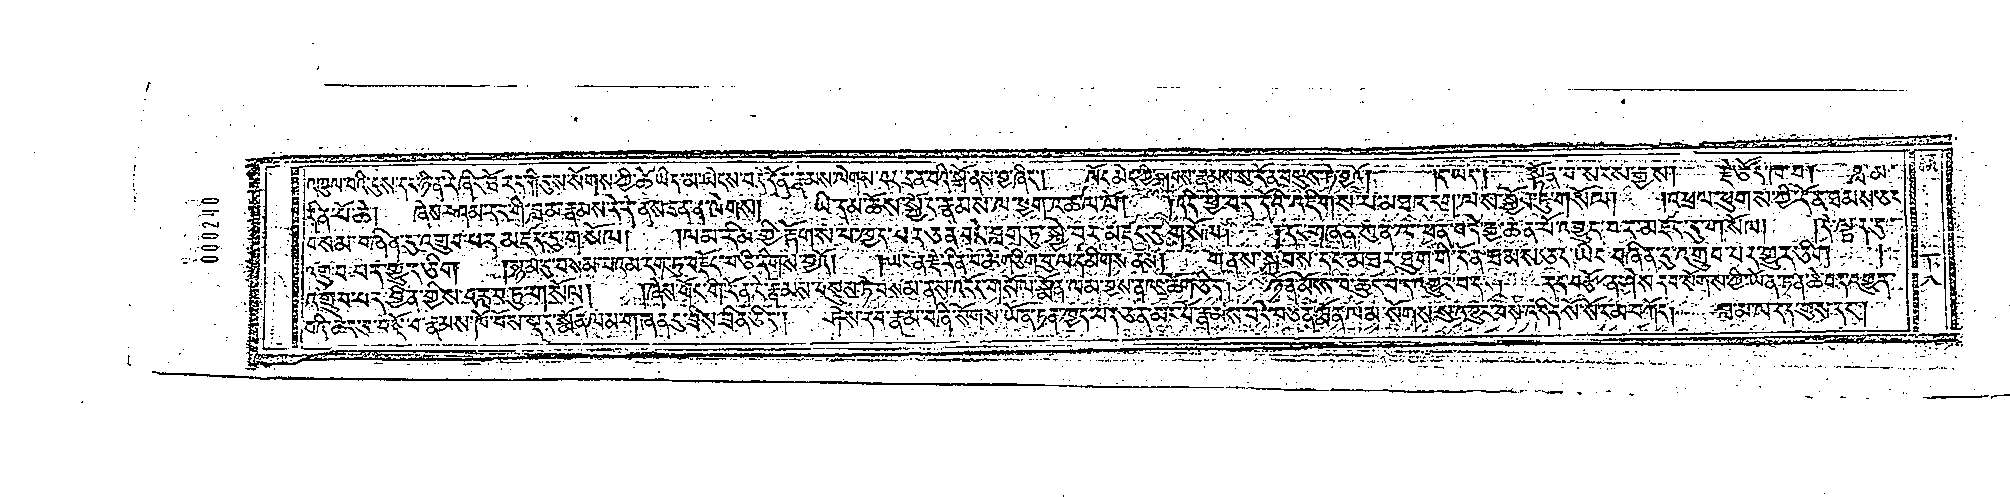འཁུལ་བའི་དུས་དང་ཉིན་རེ་ཞིང་ཐོ་རང་གི་དུས་སོགས་ཀྱི་ཚེ་ཡིད་མ་ཡེངས་བར་དོན་རྣམས་ལེགས་བར་དྲན་བའི་སྒོ་ནས་བྱ་ཞིང་། ལོང་མེད་ཀྱི་སྐབས་རྣམས་སུ་དོན་བསྡུས་ཏེ་བྱའོ། །ད་ཡང་། སྟོན་བ་སངས་རྒྱས། རྗེ་ཙོང་ཁ་བ། བླ་མ་
རིན་པོ་ཆེ། ཞེས་པའམ་རང་གི་བླ་མ་རྣམས་རེ་རེ་ནས་དྲན་ན་ལེགས། ཡི་དམ་ཆོས་སྐྱོང་རྣམས་ལ་ཕྱག་འཚལ་ལོ། །འདི་ཕྱི་བར་དོའི་འཇིགས་པ་མཐའ་དག་ལས་སྐྱོབ་ཏུ་གསོལ། །འཕྲལ་ཕུགས་ཀྱི་དོན་ཐམས་ཅད་
བསམ་བཞིན་དུ་འགྲུབ་པར་མཛད་དུ་གསོལ། །ལམ་རིམ་གྱི་རྟོགས་པ་ཁྱད་པར་ཅན་བདེ་བླག་ཏུ་སྐྱེ་བར་མཛད་དུ་གསོལ། །རང་གཞན་ཀུན་ལ་ཕན་བདེ་རྒྱ་ཆེན་པོ་འབྱུང་བར་མཛད་དུ་གསོལ། །དེ་ལྟར་དུ་
འགྲུབ་པར་གྱུར་ཅིག །སྙམ་དུ་བསམ་པའམ་དག་ཏུ་བརྗོད་པ་ཅི་རིགས་བྱའོ། །ཡང་ན་རྗེ་རིན་པོ་ཆེ་གཅིག་བུ་ལ་དམིགས་ནས། གནས་ཅྶྐབས་དང་མཐར་ཐུག་གི་དོན་ཐམས་ཅད་ཡིད་བཞིན་དུ་འགྲུབ་པར་གྱུར་མྕིག །
འགྲུབ་པར་བྱིན་གྱིས་བརླབ་ཏུ་གསོལ། །ཞེས་གོང་གི་དོན་རྣམས་བསྡུས་ཏེ་བསམ་ནས་འདོད་གསོལ་སྨོན་ལམ་བྱས་ནའང་ཆོག་ཅིང་། ཉོན་མོངས་བ་ཆུང་བར་འགྱུར་བ་དང་། དང་བརྩོན་ཤེས་རབ་སོགས་ཀྱི་ཡོན་ཏན་ཆེ་བར་འགྱུར་
བའི་ཆེད་དུ་བསྔོ་བ་རྣམས་ཁོ་བོས་སྔར་སྨོན་ལམ་གཞན་དུ་བྲིས་ཟིན་ཅིང་། ཤེས་རབ་རྣམ་བཞི་སོགས་ཡོན་ཏན་ཁྱད་པར་ཅན་མང་པོ་རྣམས་བདེ་བ་ཅན་སྨོན་ལམ་སོགས་སུ་འབྱུང་བས་འདིར་སོ་སོར་མ་བཀོད། བླ་མ་ལ་དད་གུས་དང་